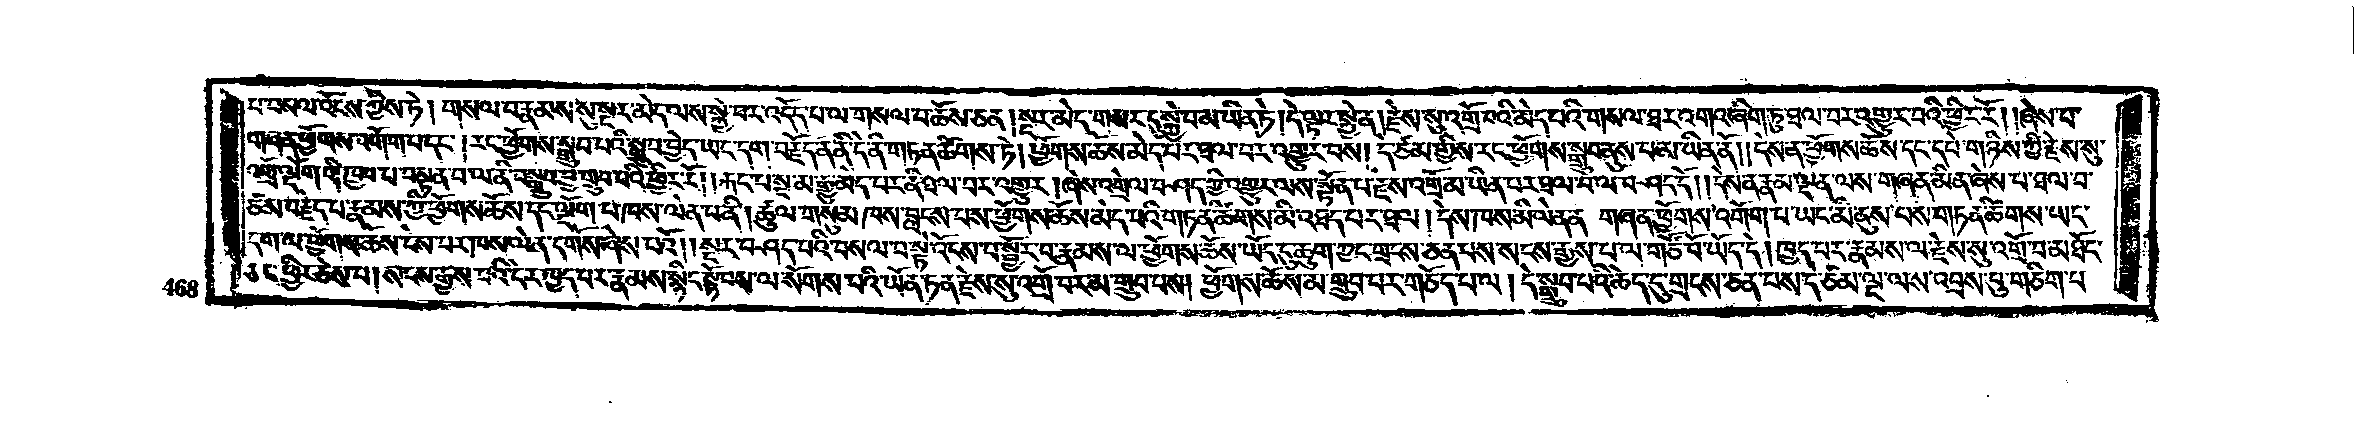པ་བསལ་འོངས་ཀྱིས་ཏེ། གསལ་བ་རྣམས་སུ་སྔར་མེད་ལས་སྐྱེ་བར་འདོད་པ་ལ་གསལ་བ་ཆོས་ཅན། སྔར་མེད་གསར་དུ་སྐྱེ་བ་མ་ཡིན་ཏེ། དེ་ལྟར་སྐྱེ་ན། རྗེས་སུ་འགོ་བའི་མེད་པའི་གསལ་ཐར་འགའ་ཞིག་ཏུ་ཐལ་བར་འགྱུར་པའི་ཕྱིར་རོ། །ཞེས་པ་
གཞན་ཕྱོགས་འགོག་པ་དང་། རང་ཕྱོགས་སྒྲུབ་པའི་སྒྲུབ་བྱེད་ཡང་དག་བརྗོད་ན་ནི་དེ་ནི་གཏན་ཚིགས་ཏེ། ཕྱོགས་ཆོས་མེད་པར་ཐལ་བར་འགྱུར་བས། དེ་ཙམ་གྱིས་རང་ཕྱོགས་སྒྲུབ་ནུས་པ་མ་ཡིན་ནོ། །དེས་ན་ཕྱོགས་ཆོས་དང་དཔེ་གཉིས་ཀྱི་རྗེས་སུ་
འགྲོ་ལྡོག་གི་ཁྱབ་པ་བསྟན་པ་ལ་ནི་བསྒྲུབ་བྱ་གྲུབ་པའི་ཕྱིར་རོ། །རྐང་པོ་སྔ་མ་རྒྱུ་མེད་པར་ནི་ཐལ་བར་འགྱུར། ཞེས་འགྲེལ་བཤད་ཀྱི་འགྱུར་ལས་སྟོན་པ་རྗེས་འགྲོ་མ་ཡིན་པར་ཐལ་བ་ལ་བཤད་དོ། །དེས་ན་རྣམ་ལྡན་ལས་གཞན་མིན་ཞེས་པ་ཐལ་བ་
ཙམ་བརྗོད་པ་རྣམས་ཀྱི་ཕྱོགས་ཆོས་དང་ལྡོག་པ་ཁས་ལེན་པ་ནི། ཚུལ་གསུམ་ཁས་བླངས་པས་ཕྱོགས་ཆོས་མེད་པའི་གཏན་ཚིགས་མི་འཐད་པར་ཐལ། དེས་ཁས་མི་ལེན་ན། གཞན་ཕྱོགས་འགོག་པ་ཡང་མི་ནུས་པས་གཏན་ཚིགས་ཡང་
དག་ལ་ཕྱོགས་ཆོས་ངེས་པར་ཁས་ལེན་དགོས་ཞེས་པའོ། །སྔར་བཤད་པའི་བསལ་བ་སྟེ་འོངས་པ་སྦྱོར་བ་རྣམས་ལ་ཕྱོགས་ཆོས་ཡོང་དུ་ཆུག་ཀྱང་གྲངས་ཅན་པས་སངས་རྒྱས་པ་ལ་གཙོ་བོ་ཡོད་དེ། ཁྱད་པར་རྣམས་ལ་རྗེས་སུ་འགྲོ་བ་མཐོང་
ཅང་ཕྱིར་ཅེས་པ། སངས་རྒྱས་པའི་དེར་ཁྱད་པར་རྣམས་སྙིང་སྟོབས་ལ་སོགས་པའི་ཡོན་ཏན་རྗེས་སུ་འགྲོ་བར་མ་གྲུབ་པས། ཕྱོགས་ཆོས་མ་གྲུབ་པར་གཅོད་པ་ལ། དེ་སྒྲུབ་པའི་ཆེད་དུ་གྲངས་ཅན་པས་དེ་ཙམ་ལྔ་ལས་འབྲས་བུ་གཅིག་པ་